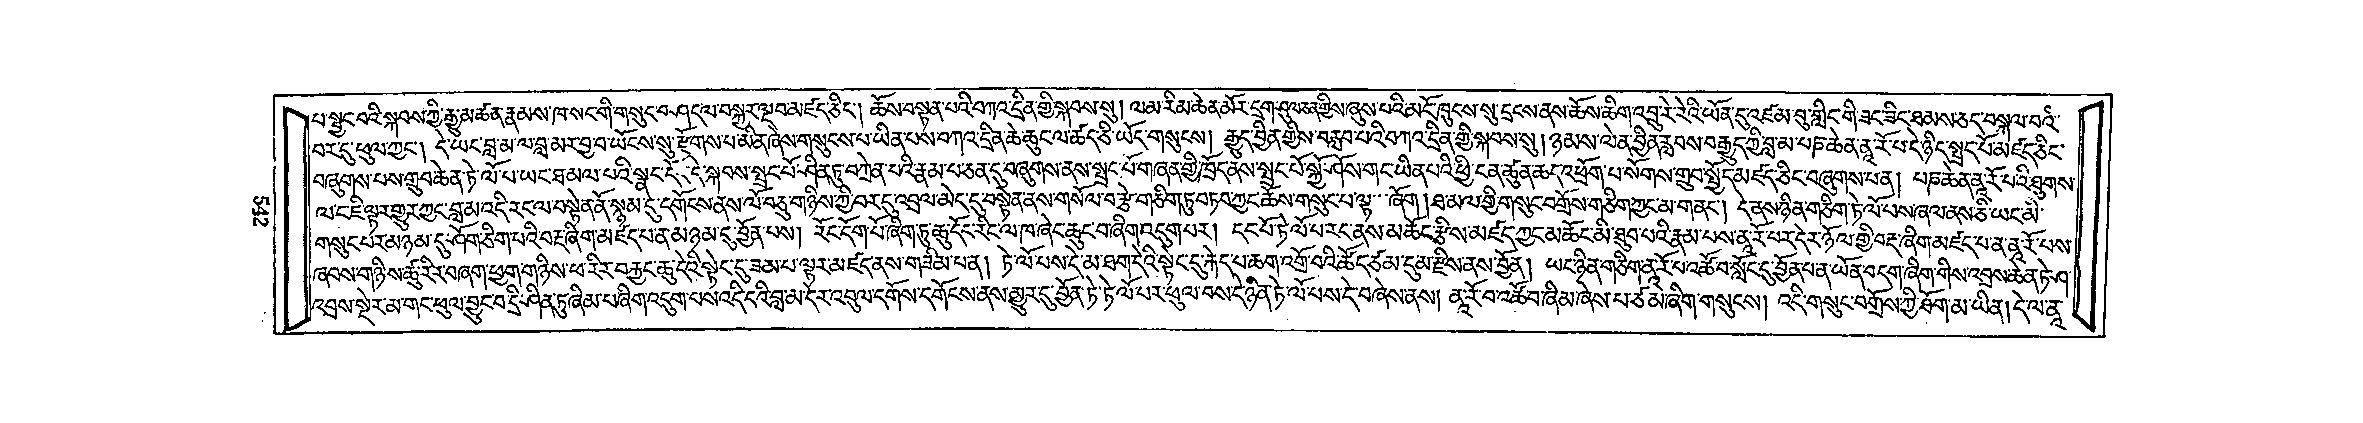པ་སྦྱང་བའི་སྐབས་ཀྱི་རྒྱུ་མཚན་རྣམས་ཁ་སང་གི་གསུང་བཤད་ལ་བསྐྱར་ལྡབ་མཛད་ཅིང་། ཆོས་བསྟན་པའི་བཀའ་དྲིན་གྱི་སྐབས་སུ། ལམ་རིམ་ཆེན་མོར་དྲག་ཤུལ་ཅན་གྱིས་ཞུས་པའི་མདོ་ཁུངས་སུ་དྲངས་ནས་ཆོས་ཆིག་འབྲུ་རེ་རེའི་ཡོན་དུ་འཛམ་བུ་གླིང་གི་ཟང་ཟིང་ཐམས་ཅད་བསྐལ་བའི་
བར་དུ་ཕུལ་ཀྱང་། དེ་ཡང་བླ་མ་ལ་བླ་མར་བྱ་བ་ཡོངས་སུ་རྫོགས་པ་མིན་ཞེས་གསུངས་པ་ཡིན་པས་བཀའ་དྲིན་ཆེ་ཆུང་ལ་ཚད་ཅི་ཡོད་གསུངས། རྒྱུད་བྱིན་གྱིས་བརླབ་པའི་བཀའ་དྲིན་གྱི་སྐབས་སུ། ཉམས་ལེན་བྱིན་རླབས་བརྒྱུད་ཀྱི་བླ་མ་པཎ་ཆེན་ནཱ་རོ་པ་དེ་ཉིད་སྤྲད་པོ་མཛད་ཅིང་
བཞུགས་པས་གྲུབ་ཆེན་ཏེ་ལོ་པ་ཡང་ཐ་མལ་པའི་སྣང་ངོར་དེ་སྐབས་སྤྲང་པོ་ཤིན་ཏུ་བཀྲེན་པའི་རྣམ་པ་ཅན་དུ་བཞུགས་ནས་སྤྲང་པོ་གཞན་གྱི་ཁྲོད་ནས་སྤྲང་པོ་སྐྱོ་ཤོས་གང་ཡིན་པའི་ཕྱི་ངན་ཚུན་ཆད་འཕྲོག་པ་སོགས་གྲུབ་སྤྱོད་མཛད་ཅིང་བཞུགས་པ་ན། པཎ་ཆེན་ནཱ་རོ་པའི་ཐུགས་
ལ་ང་ཇི་ལྟར་གྱུར་ཀྱང་བླ་མ་འདི་རང་ལ་བསྟེན་ནོ་སྙམ་དུ་དགོངས་ནས་ལོ་བཅུ་གཉིས་ཀྱི་བར་དུ་འབྲལ་མེད་དུ་བསྟེན་ནས་གསོལ་བ་རྩེ་གཅིག་ཏུ་བཏབ་ཀྱང་ཆོས་གསུང་པ་ལྟ་ཞོག །ཐ་མལ་གྱི་གསུང་བགྲོས་གཅིག་ཀྱང་མ་གནང་། དེ་ནས་ཉིན་གཅིག་ཏེ་ལོ་པས་ཞལ་ནས་ཅི་ཡང་མི་
གསུང་པར་མཉམ་དུ་ཤོག་ཅིག་པའི་བརྡ་ཞིག་མཛད་པ་ན་མཉམ་དུ་བྱོན་པས། རོང་དོག་པོ་ཞིག་ཏུ་ཆུ་དོང་རིང་ལ་ཁ་ཞེང་ཆུང་བ་ཞིག་འདུག་པར། དང་པོ་ཏེ་ལོ་པ་རང་ནས་མཆོང་རྩིས་མཛད་ཀྱང་མཆོང་མི་ཐུབ་པའི་རྣམ་པས་ནཱ་རོ་པར་དེར་ཉོལ་གྱི་བརྡ་ཞིག་མཛད་པ་ན་ནཱ་རོ་པས་
ཞབས་གཉིས་ཚུ་རིར་བཞག་ཕྱག་གཉིས་ཕ་རིར་བརྐྱང་ཆུ་དེའི་སྟེང་དུ་ཟམ་པ་ལྟར་མཛད་ནས་གཟིམ་པ་ན། ཏེ་ལོ་པས་དེ་མ་ཐག་དེའི་སྟེང་དུ་རྐེད་པ་ཆག་འགྲོ་བའི་ཚོད་ཙམ་དུ་མ་རྫིས་ནས་བྱོན། ཡང་ཉིན་གཅིག་ནཱ་རོ་པ་འཚོ་བ་སློང་དུ་བྱོན་པ་ན་ཡོན་བདག་ཞིག་གིས་འབྲས་ཆེན་ཏེ་ཤ་
འབྲས་སྡེར་མ་གང་ཕུལ་བྱུང་བ་དྲི་ཤིན་ཏུ་ཞིམ་པ་ཞིག་འདུག་པས་འདི་ངའི་བླ་མ་དེར་འབུལ་དགོས་དགོངས་ནས་མྱུར་དུ་བྱོན་ཏེ་ཏེ་ལོ་པར་ཕུལ་བས་དེ་ཉིན་ཏེ་ལོ་པས་དེ་བཞེས་ནས། ནཱ་རོ་བ་འཚོ་བ་ཞིམ་ཞེས་པ་ཙམ་ཞིག་གསུངས། འདི་གསུང་བགྲོས་ཀྱི་ཐོག་མ་ཡིན། དེ་ལ་ནཱ་